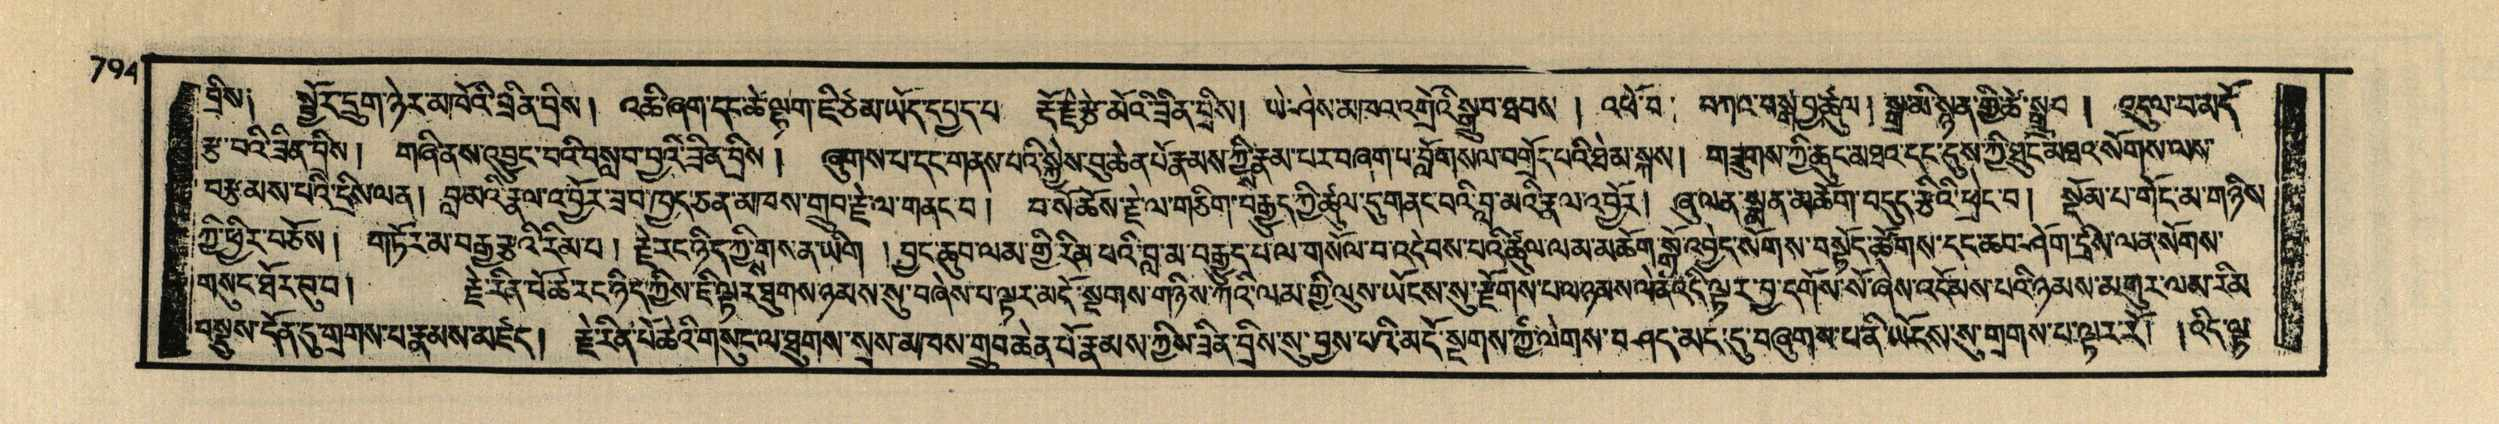བྲིས༑ སྦྱོར་དྲུག་ཉེར་མཁོའི་བྲིན་བྲིས། འཆི་ཞག་དང་ཚེ་ལྷག་ཇི་ཙམ་ཡོད་དཔྱད་པ། རྡོ་རྗེ་རྩེ་མོའི་ཟིན་བྲིས། ཡེ་ཤེས་མཁའ་འགྲོའི་སྒྲུབ་ཐབས། འཕོ་བ། བཀའ་བསྒོ་བྱ་ཚུལ། སྒྲ་མི་སྙན་གྱི་ཚེ་སྒྲུབ། འདུལ་བ་མདོ་
རྩ་བའི་ཟིན་བྲིས། གཞི་ནས་འབྱུང་བའི་བསླབ་བྱའི་ཟིན་བྲིས། ཞུགས་པ་དང་གནས་པའི་སྐྱེས་བུ་ཆེན་པོ་རྣམས་ཀྱིས་རྣམ་པར་བཞག་པ་བློ་གསལ་བགྲོད་པའི་ཐེམ་སྐས། གཟུགས་ཀྱི་ཆུང་མཐའ་དང་དུས་ཀྱི་ཐུང་མཐའ་སོགས་ལས་
བརྩམས་པའི་དྲིས་ལན། བླ་མའི་རྣལ་འབྱོར་ཟབ་ཁྱད་ཅན་མཁས་གྲུབ་རྗེ་ལ་གནང་བ། བ་སོ་ཆོས་རྗེ་ལ་གཅིག་བརྒྱུད་ཀྱི་ཚུལ་དུ་གནང་བའི་བླ་མའི་རྣལ་འབྱོར། ཞུ་ལན་སྨན་མཆོག་བདུད་རྩིའི་ཕྲེང་བ། སྡོམ་པ་གོང་མ་གཉིས་
ཀྱི་ཕྱིར་བཅོས། གཏོར་མ་བརྒྱ་རྩའི་རིམ་པ། རྗེ་རང་ཉིད་ཀྱིས་གསན་ཡིག །བྱང་ཆུབ་ལམ་གྱི་རིམ་པའི་བླ་མ་བརྒྱུད་པ་ལ་གསོལ་བ་འདེབས་པའི་ཚུལ་ལམ་མཆོག་སྒོ་འབྱེད་སོགས་བསྟོད་ཚོགས་དང་ཆབ་ཤོག་དྲིས་ལན་སོགས་
གསུང་ཐོར་བུ་བ། རྗེ་རིན་པོ་ཆེ་རང་ཉིད་ཀྱིས་ཇི་ལྟར་ཐུགས་ཉམས་སུ་བཞེས་པ་ལྟར་མདོ་སྔགས་གཉིས་ཀའི་ལམ་གྱི་ལུས་ཡོངས་སུ་རྫོགས་པ་ལ་ཉམས་ལེན་འདི་ལྟར་བྱ་དགོས་སོ་ཞེས་འདོམས་པའི་ཉམས་མགུར་ལམ་རིམ་
བསྡུས་དོན་དུ་གྲགས་པ་རྣམས་མཛད། རྗེ་རིན་པོ་ཆེའི་གསུང་ལ་ཐུགས་སྲས་མཁས་གྲུབ་ཆེན་པོ་རྣམས་ཀྱིས་ཟིན་བྲིས་སུ་བྱས་པའི་མདོ་སྔགས་ཀྱི་ལེགས་བཤད་མང་དུ་བཞུགས་པ་ནི་ཡོངས་སུ་གྲགས་པ་ལྟར་རོ། །འདི་ལྟ་